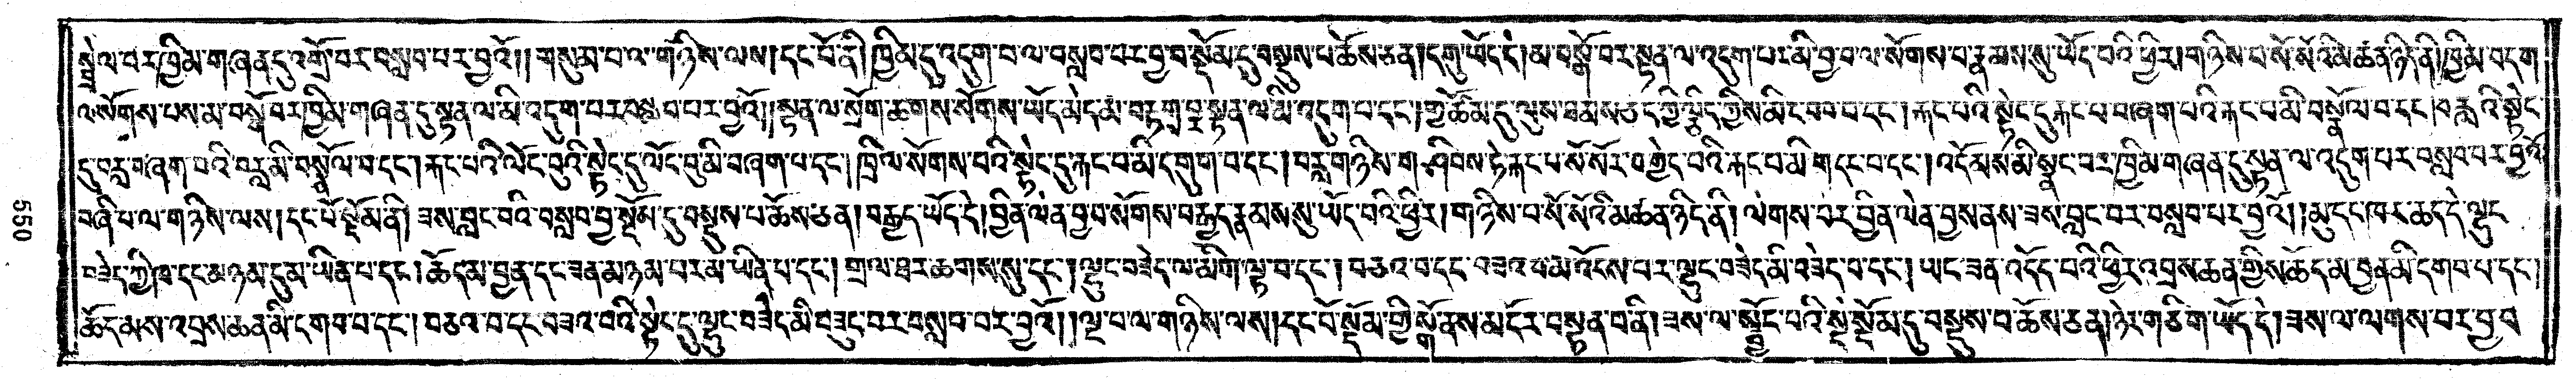སྦྲེལ་བར་ཁྱིམ་གཞན་དུ་འགྲོ་བར་བསླབ་པར་བྱའོ། །གསུམ་པ་ལ་གཉིས་ལས། དང་པོ་ནི། ཁྱིམ་དུ་འདུག་བ་ལ་བསླབ་པར་བྱ་བ་སྡོམ་དུ་བསྡུས་པ་ཆོས་ཅན། དགུ་ཡོད་དེ། མ་བསྒོ་བར་སྟན་ལ་འདུག་པར་མི་བྱ་བ་ལ་སོགས་པ་རྣམས་སུ་ཡོད་པའི་ཕྱིར། གཉིས་པ་སོ་སོའི་མཚན་ཉིད་ནི། ཁྱིམ་བདག་
ལ་སོགས་པས་མ་བསྒོ་བར་ཁྱིམ་གཞན་དུ་སྟན་ལ་མི་འདུག་པར་བསླབ་པར་བྱའོ། །སྟན་ལ་སྲོག་ཆགས་སོགས་ཡོད་མེད་མ་བརྟགས་བར་སྟན་ལ་མི་འདུག་པ་དང་། གྱ་ཚོམ་དུ་ལུས་ཐམས་ཅད་ཀྱི་ལྕིད་ཀྱིས་མིང་བབ་བ་དང་། རྐང་པའི་སྟེང་དུ་རྐང་པ་བཞག་པའི་རྐང་པ་མི་བསྣོལ་བ་དང་། བརླའི་སྟེང་
དུ་བརླབ་ཞག་བའི་བརླ་མི་བསྣོལ་བ་དང་། རྐང་པའི་ལོང་བུའི་སྟེང་དུ་ལོང་བུ་མི་བཞག་པ་དང་། ཁྲིལ་སོགས་པའི་སྟེང་དུ་རྐང་བ་མི་དགུག་པ་དང་། བརླ་གཉིས་གཤིབས་ཏེ་རྐང་པ་སོ་སོར་བགྱེད་པའི་རྐང་བ་མི་གདང་པ་དང་། འདོམས་མི་སྣང་བར་ཁྱིམ་གཞན་དུ་སྟན་ལ་འདུག་པར་བསླབ་པར་བྱའོ་
བཞི་པ་ལ་གཉིས་ལས། དང་པོ་སྡོམ་ནི། ཟས་བླང་བའི་བསླབ་བྱ་སྡོམ་དུ་བསྡུས་པ་ཆོས་ཅན། བརྒྱད་ཡོད་དེ། བྱིན་ལེན་བྱ་བ་སོགས་བརྒྱད་རྣམས་སུ་ཡོད་བའི་ཕྱིར། གཉིས་པ་སོ་སོའི་མཚན་ཉིད་ནི། ལེགས་བར་བྱིན་ལེན་བྱས་ནས་ཟས་བླང་བར་བསླབ་པར་བྱའོ། །མུ་དང་ཁར་ཆད་དེ་ལྷུང་
བཟེད་ཀྱི་ཁ་དང་མཉམ་དུ་མ་ཡིན་པ་དང་། ཆོད་མ་བྱན་དང་ཟན་མཉམ་པར་མ་ཡིན་པ་དང་། གྲལ་ཐར་ཆགས་སུ་དང་། ལྷུང་བཟེད་ལ་མིག་ལྟ་བ་དང་། བཅའ་བ་དང་བཟའ་བ་མ་འོངས་བར་ལྷུང་བཟེད་མི་བཟེད་བ་དང་། ཡང་ཟན་འདོད་པའི་ཕྱིར་འབྲས་ཆན་གྱིས་ཆོད་མ་བྱན་མི་དགབ་པ་དང་།
ཆོད་མས་འབྲས་ཆན་མི་དགབ་བ་དང་། བཅའ་བ་དང་བཟའ་བའི་སྟེང་དུ་ལྷུང་བཟེད་མི་བཟུང་བར་བསླབ་བར་བྱའོ། །ལྔ་བ་ལ་གཉིས་ལས། དང་པོ་སྡོམ་གྱི་སྒོ་ནས་མདོར་བསྟན་བ་ནི། ཟས་ལ་སྦྱོང་བའི་སྡེ་སྡོམ་དུ་བསྡུས་བ་ཆོས་ཅན། ཉེར་གཅིག་ཡོད་དེ། ཟས་ལ་ལགས་བར་བྱ་བ་